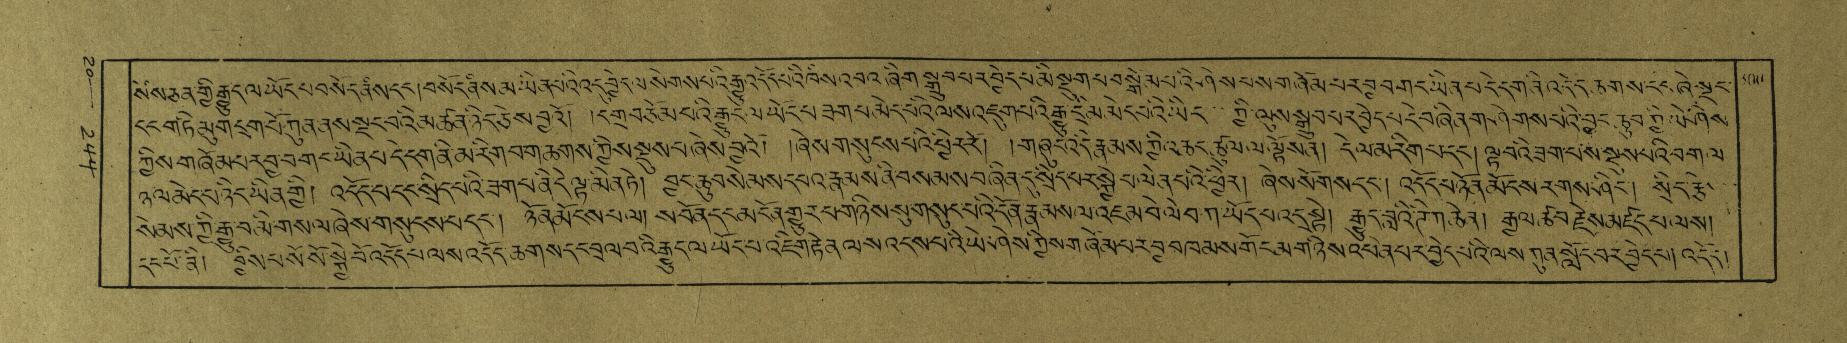སེཾས་ཅན་གྱི་རྒྱུད་ལ་ཡོང་པ་བསོད་རྣཾས་དང་། བསོད་ནཾས་མ་ཡིན་པའི་འདུ་བྱེད་ལ་སེགས་པའི་རྒྱུ་འདོད་པའི་ཁཾས་འབའ་ཞིག་སྒྲུབ་པར་བྱེད་པ་མི་སྡུག་པ་བསྒོམ་པའི་ཤེས་པས་གཞོམ་པར་བྱ་བ་གང་ཡིན་པ་དེ་དག་ནི་འདོད་ཆགས་དང་ཞེ་སྡང་
དང་གཏི་མུག་དྲག་པོ་ཀུན་ནས་སྡང་བའི་མཚན་ཉིད་ཅེས་བྱའོ། །དགྲ་བཅོམ་པའི་རྒྱུད་ལ་ཡོད་པ་ཟག་པ་མེད་པའི་ལས་འཇུག་པའི་རྒྱུ་དྲི་མ་མེད་པའི་ཡིད་ཀྱི་ལུས་སྒྲུབ་པར་བྱེད་པ་དེ་བཞིན་གཤེགས་པའི་བྱང་ཆུབ་ཀྱི་ཡེ་ཤེས་
ཀྱིས་གཞོམ་པར་བྱ་བ་གང་ཡིན་པ་དེ་དག་ནི་མ་རིག་བག་ཆགས་ཀྱིས་སྡུས་པ་ཞེས་བྱའོ། །ཞེས་གསུངས་པའི་ཕྱིར་རོ། །གཞུང་འདི་རྣམས་ཀྱི་འཆང་ཚུལ་ལ་ལྟོས་ན། དེ་ལ་མ་རིག་པ་དང་། ལྟ་བའི་ཟག་པས་སྡུས་པའི་བག་ལ་
ཉལ་མེད་པ་ཉིད་ཡིན་གྱི། འདོད་པ་དང་སྲིད་པའི་ཟག་པ་ནི་དེ་ལྟ་མིན་ཏེ། བྱང་ཆུབ་སེམས་དཔའ་རྣམས་ནི་བསམས་བཞིན་དུ་སྲིད་པར་སྐྱེ་པ་ལེན་པའི་ཕྱིར། ཞེས་སོགས་དང་། འདོད་པ་ཉོན་མོངས་རགས་ཤིང་། སྲིད་རྩེ་
སེམས་ཀྱི་རྒྱུ་བ་མི་གསལ་ཞེས་གསུངས་པ་དང་། ཉོན་མོངས་པ་ལ། ས་བོན་དང་མངོན་གྱུར་པ་གཉིས་སུ་གསུང་པའི་དོན་རྣམས་ལ་འཇམ་བེ་ལེ་བ་ཀ་ཡོད་པ་འདྲ་སྟེ། རྒྱུད་བླའི་ཊཱིཀ་ཆེན། རྒྱལ་ཚབ་རྗེས་མཛད་པ་ལས།
དང་པོ་ནི། བྱིས་པ་སོ་སོ་སྐྱེ་བོ་འདོད་པ་ལས་འདོད་ཆགས་དང་བྲལ་བའི་རྒྱུད་ལ་ཡོད་པ་འཇིག་རྟེན་ལས་འདས་པའི་ཡེ་ཤེས་ཀྱིས་གཞོམ་པར་བྱ་བ་ཁམས་གོང་མ་གཉིས་འཕེན་པར་བྱེད་པའི་ལས་ཀུན་སློང་བར་བྱེད་པ། འདོད།